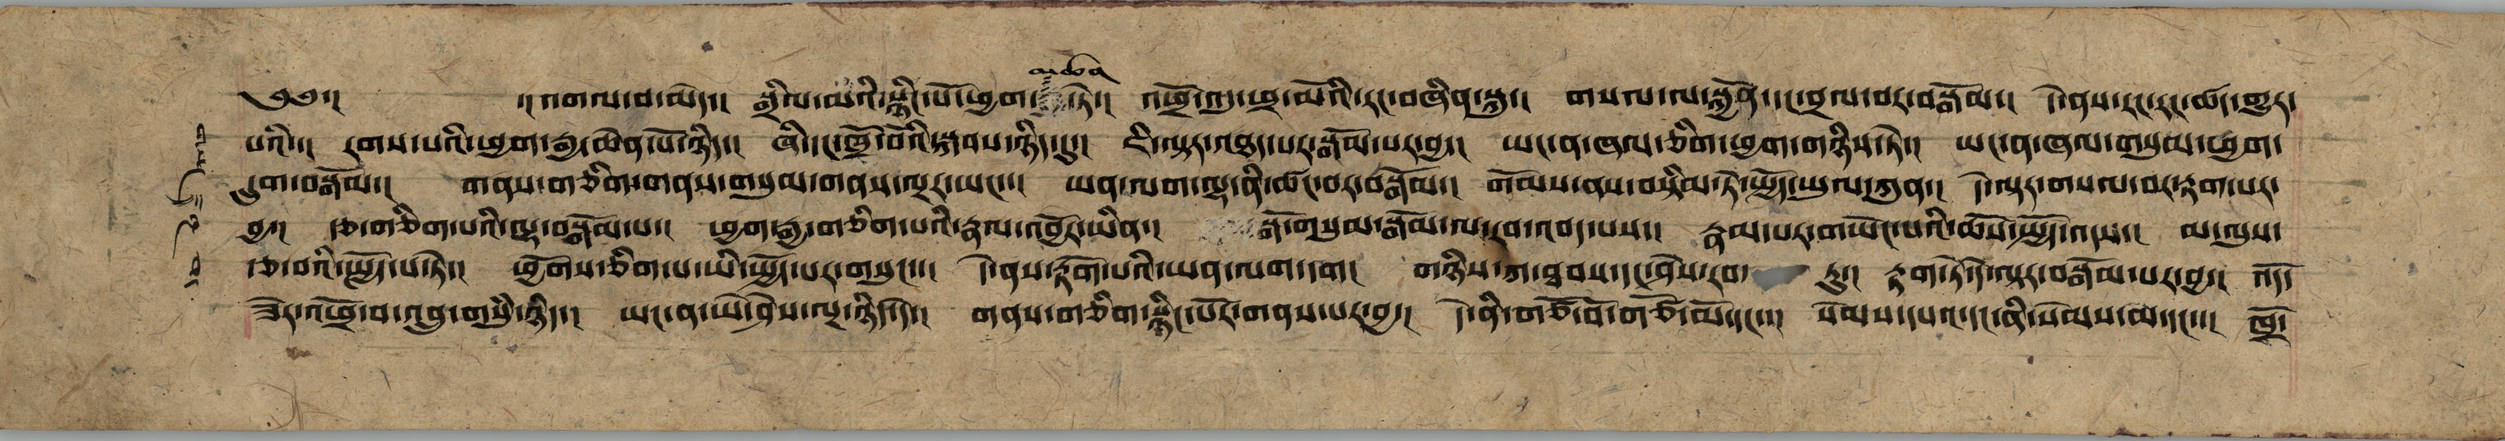༄༅་། ་།འགལ་བ་མེད་། སྒྲིལ་མའི་སྙིང་པོ་ཕྱག་རྒྱ་ཏེ་། འཕྲོ་འདུ་ཕྲ་མོའི་རང་བཞིན་སྐུ་། གསལ་ལ་སྐྱོན་དང་བྲལ་བར་བསྒོམ་། དེ་ནས་རང་རང་ཚད་གྱུར་
པའི་། རགས་པའི་ཕྱག་རྒྱ་ཆེན་པོ་ཉིད་། ཞི་དང་ཁྲོ་བོའི་སྐབས་ཉིད་དུ་། ཇི་ལྟར་འཐད་པར་སྒོམ་པར་བྱ་། ཡང་ན་ཞལ་ཅིག་ཕྱག་གཉིས་ཏེ་། ཡང་ན་ཞལ་གསུམ་ཕྱག་
དྲུག་བསྒོམ་། གནས་གཅིག་གནས་གསུམ་གནས་ལྔར་ཡང་་། ཡན་ལག་ལྷ་ནི་ཚང་བར་བསྒོམ་། གོམས་ནས་བསྟིམ་ཏེ་སྤྱོད་ཡུལ་ཀུན་། དེ་ལྟར་གསལ་བར་རྟག་པར་
བྱ་། རྩ་གཅིག་པའི་ལྷ་བསྒོམ་པ་། ཕྱག་རྒྱ་གཅིག་པའི་རྣལ་འབྱོར་ཡིན་། སྒོ་གསུམ་སྒོམ་ལ་རབ་འབད་པས་། རྣམ་པར་གཡེང་པའི་ཆོས་སྤྱོད་འདས་། མ་ལུས་
རྩ་བའི་སྤྱོད་པ་ཏེ་། ཕྱོགས་ཅིག་པ་ཡི་སྤྱོད་པར་གསུང་་། དེ་ནས་རྟོག་པའི་ཡན་ལག་དག། གཉིས་ཀ་ཐབས་དང་ཤེས་རབ་ ཏུ་། རྟག་ཏེ་དེ་ལྟར་བསྒོམ་པར་བྱ་། འོད་
ཟེར་འཕྲོ་བ་འབྲུ་གསུཾ་ཉིད་། ཡང་ན་ཡེ་ཤེས་ལྔ་ཉིད་དེ་། གནས་གཅིག་སྙིང་པོར་གནས་པར་བྱ་། དེ་ནི་གཙོ་བོ་གཙོ་མོ་དང་་། སེམས་དཔའ་དང་ནི་སེམས་མ་དང་་། ཁྲོ་